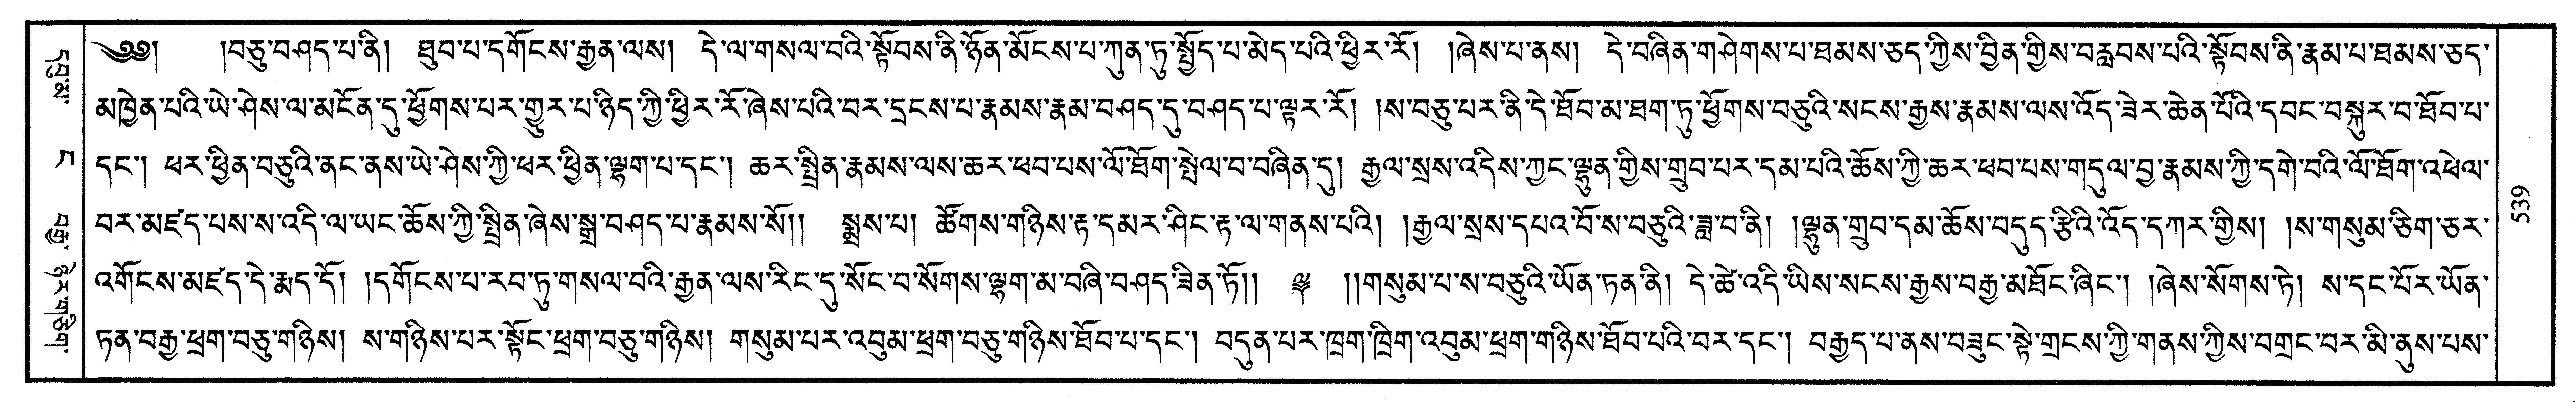༄༅། །བཅུ་བཤད་པ་ནི། ཐུབ་པ་དགོངས་རྒྱན་ལས། དེ་ལ་གསལ་བའི་སྟོབས་ནི་ཉོན་མོངས་པ་ཀུན་ཏུ་སྤྱོད་པ་མེད་པའི་ཕྱིར་རོ། །ཞེས་པ་ནས། དེ་བཞིན་གཤེགས་པ་ཐམས་ཅད་ཀྱིས་བྱིན་གྱིས་བརླབས་པའི་སྟོབས་ནི་རྣམ་པ་ཐམས་ཅད་
མཁྱེན་པའི་ཡེ་ཤེས་ལ་མངོན་དུ་ཕྱོགས་པར་གྱུར་པ་ཉིད་ཀྱི་ཕྱིར་རོ་ཞེས་པའི་བར་དྲངས་པ་རྣམས་རྣམ་བཤད་དུ་བཤད་པ་ལྟར་རོ། །ས་བཅུ་པར་ནི་དེ་ཐོབ་མ་ཐག་ཏུ་ཕྱོགས་བཅུའི་སངས་རྒྱས་རྣམས་ལས་འོད་ཟེར་ཆེན་པོའི་དབང་བསྐུར་བ་ཐོབ་པ་
དང་། ཕར་ཕྱིན་བཅུའི་ནང་ནས་ཡེ་ཤེས་ཀྱི་ཕར་ཕྱིན་ལྷག་པ་དང་། ཆར་སྤྲིན་རྣམས་ལས་ཆར་ཕབ་པས་ལོ་ཐོག་སྤེལ་བ་བཞིན་དུ། རྒྱལ་སྲས་འདིས་ཀྱང་ལྷུན་གྱིས་གྲུབ་པར་དམ་པའི་ཆོས་ཀྱི་ཆར་ཕབ་པས་གདུལ་བྱ་རྣམས་ཀྱི་དགེ་བའི་ལོ་ཐོག་འཕེལ་
བར་མཛད་པས་ས་འདི་ལ་ཡང་ཆོས་ཀྱི་སྤྲིན་ཞེས་སྒྲ་བཤད་པ་རྣམས་སོ།། སྨྲས་པ། ཚོགས་གཉིས་རྟ་དམར་ཤིང་རྟ་ལ་གནས་པའི། །རྒྱལ་སྲས་དཔའ་བོ་ས་བཅུའི་ཟླ་བ་ནི། །ལྷུན་གྲུབ་དམ་ཆོས་བདུད་རྩིའི་འོད་དཀར་གྱིས། །ས་གསུམ་ཅིག་ཅར་
འགོངས་མཛད་དེ་རྨད་དོ། །དགོངས་པ་རབ་ཏུ་གསལ་བའི་རྒྱན་ལས་རིང་དུ་སོང་བ་སོགས་ལྷག་མ་བཞི་བཤད་ཟིན་ཏོ།། ༈ །།གསུམ་པ་ས་བཅུའི་ཡོན་ཏན་ནི། དེ་ཚེ་འདི་ཡིས་སངས་རྒྱས་བརྒྱ་མཐོང་ཞིང་། །ཞེས་སོགས་ཏེ། ས་དང་པོར་ཡོན་
ཏན་བརྒྱ་ཕྲག་བཅུ་གཉིས། ས་གཉིས་པར་སྟོང་ཕྲག་བཅུ་གཉིས། གསུམ་པར་འབུམ་ཕྲག་བཅུ་གཉིས་ཐོབ་པ་དང་། བདུན་པར་ཁྲག་ཁྲིག་འབུམ་ཕྲག་གཉིས་ཐོབ་པའི་བར་དང་། བརྒྱད་པ་ནས་བཟུང་སྟེ་གྲངས་ཀྱི་གནས་ཀྱིས་བགྲང་བར་མི་ནུས་པས་